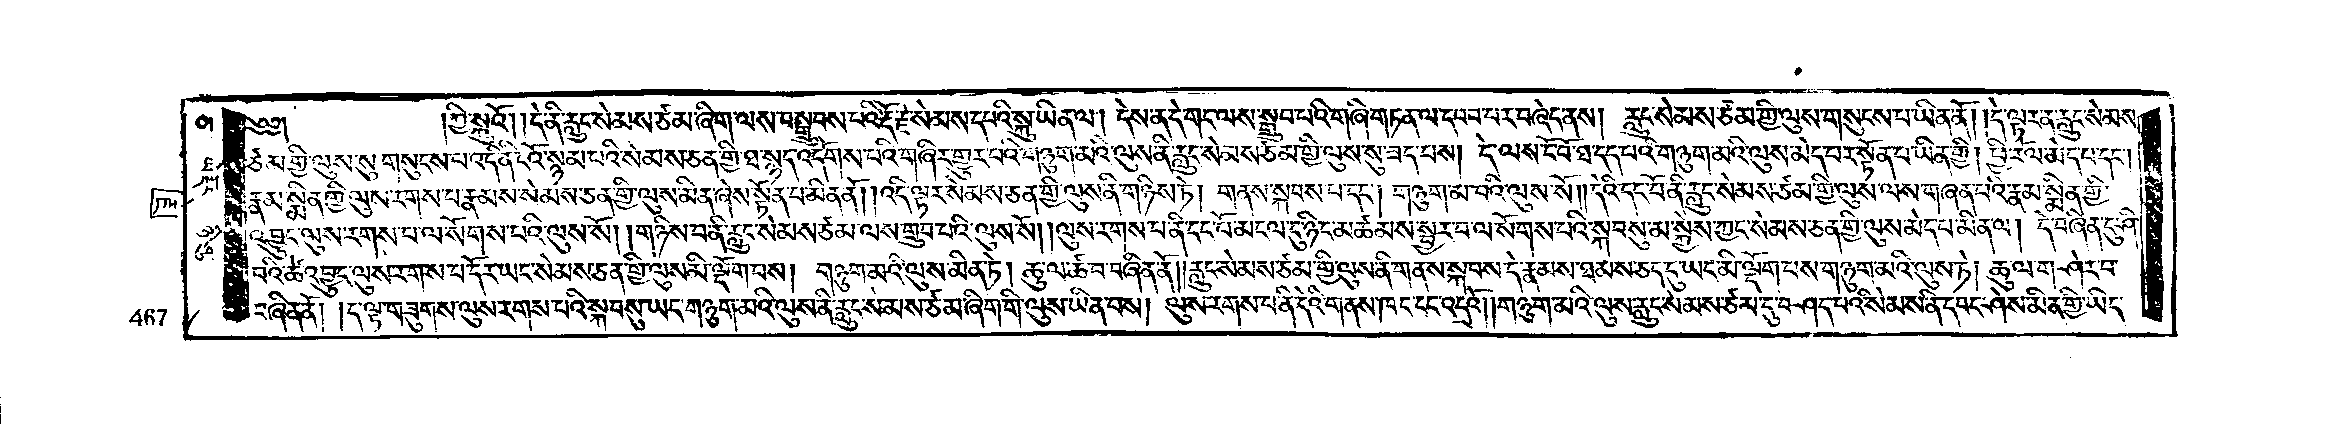༄༅། །ཀྱི་སྐུའོ། །དེ་ནི་རླུང་སེམས་ཙམ་ཞིག་ལས་བསྒྲུབས་པའི་རྡོ་རྗེ་སེམས་དཔའི་སྐུ་ཡིན་ལ། དེས་ན་དེ་གང་ལས་སྒྲུབ་པའི་གཞི་གཏན་ལ་དབབ་པར་བཞེད་ནས། རླུང་སེམས་ཙམ་གྱི་ལུས་གསུངས་པ་ཡིན་ནོ། །དེ་ལྟར་ན་རླུང་སེམས་
ཙམ་གྱི་ལུས་སུ་གསུངས་པ་འདི་ནི་ངའོ་སྙམ་པའི་སེམས་ཅན་གྱི་ཐ་སྙད་འདོགས་པའི་གཞིར་གྱུར་པའི་གཉུག་མའི་ལུས་ནི་རླུང་སེམས་ཙམ་གྱི་ལུས་སུ་ཟད་པས། དེ་ལས་ངོ་བོ་ཐ་དད་པའི་གཉུག་མའི་ལུས་མེད་པར་སྟོན་པ་ཡིན་གྱི། ཕྱི་རོལ་མེད་པ་དང་།
རྣམ་སྨིན་གྱི་ལུས་རགས་པ་རྣམས་སེམས་ཅན་གྱི་ལུས་མིན་ཞེས་སྟོན་པ་མིན་ནོ། །འདི་ལྟར་སེམས་ཅན་གྱི་ལུས་ནི་གཉིས་ཏེ། གནས་སྐབས་པ་དང་། གཉུག་མ་བའི་ལུས་སོ། །དེའི་དང་པོ་ནི་རླུང་སེམས་ཙམ་གྱི་ལུས་ལས་གཞན་པའི་རྣམ་སྨིན་གྱི་
འབྱུང་ལུས་རགས་པ་ལ་སོགས་པའི་ལུས་སོ། །གཉིས་པ་ནི་རླུང་སེམས་ཙམ་ལས་གྲུབ་པའི་ལུས་སོ། །ལུས་རགས་པ་ནི་དང་པོ་མངལ་དུ་ཉིད་མཚམས་སྦྱར་བ་ལ་སོགས་པའི་སྐབས་སུ་མ་སྐྱེས་ཀྱང་སེམས་ཅན་གྱི་ལུས་མེད་པ་མིན་ལ། དེ་བཞིན་དུ་ཤི་
བའི་ཚེ་འབྱུང་ལུས་རགས་པ་དོར་ཡང་སེམས་ཅན་གྱི་ལུས་མི་ལྡོག་པས། གཉུག་མའི་ལུས་མིན་ཏེ། ཆུ་ལ་ཚ་བ་བཞིན་ནོ། །རླུང་སེམས་ཙམ་གྱི་ལུས་ནི་གནས་སྐབས་དེ་རྣམས་ཐམས་ཅད་དུ་ཡང་མི་ལྡོག་པས་གཉུག་མའི་ལུས་ཏེ། ཆུ་ལ་གཤེར་བ་
བཞིན་ནོ། །ད་ལྟ་གཟུགས་ལུས་རགས་པའི་སྐབས་སུ་ཡང་གཉུག་མའི་ལུས་ནི་རླུང་སེམས་ཙམ་ཞིག་གི་ལུས་ཡིན་པས། ལུས་རགས་པ་ནི་དེའི་གནས་ཁང་དང་འདྲའོ། །གཉུག་མའི་ལུས་རླུང་སེམས་ཙམ་དུ་བཤད་པའི་སེམས་ནི་དབང་ཤེས་མིན་གྱི་ཡིད་